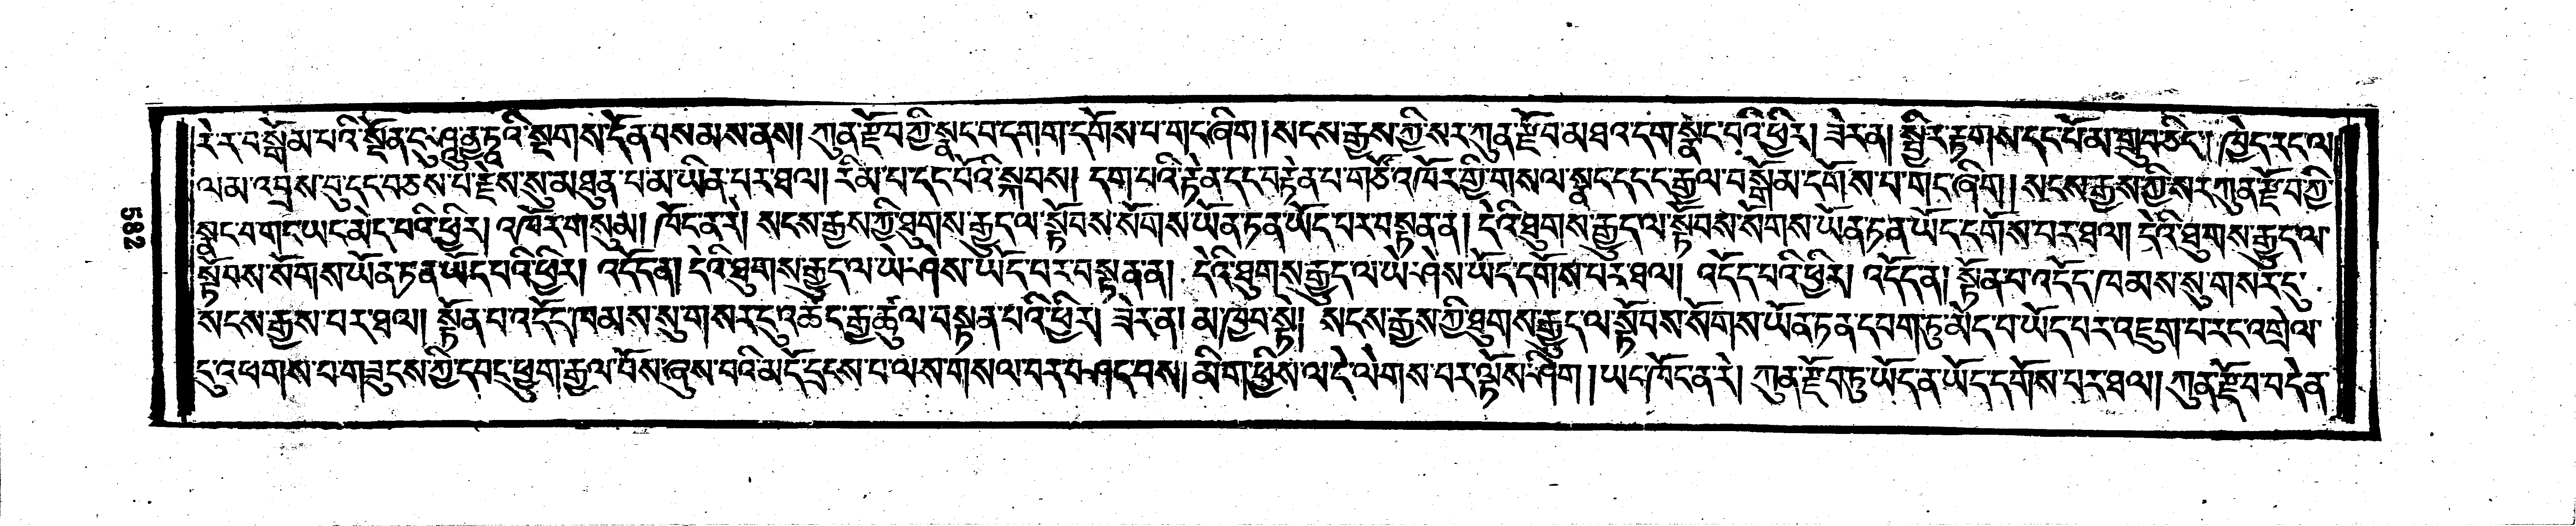རེ་རེ་བསྒོམ་པའི་སྔོན་དུ་ཤཱུ་ནྱ་ཏཱའི་སྔགས་དོན་བསམས་ནས། ཀུན་རྫོབ་ཀྱི་སྣང་བ་དགག་དགོས་པ་གང་ཞིག །སངས་རྒྱས་ཀྱི་སར་ཀུན་རྫོབ་མཐའ་དག་སྣང་བའི་ཕྱིར། ཟེར་ན། སྤྱིར་རྟགས་དང་པོ་མ་གྲུབ་ཅིང་། ཁྱེད་རང་ལ།
ལམ་འབྲས་བུ་དང་བཅས་པ་རྗེས་སུ་མཐུན་པ་མ་ཡིན་པར་ཐལ། རིམ་པ་དང་པོའི་སྐབས། དག་པའི་རྟེན་དང་བརྟེན་པ་གཙོ་འཁོར་གྱི་གསལ་སྣང་དང་ང་རྒྱལ་བསྒོམ་དགོས་པ་གང་ཞིག །སངས་རྒྱས་ཀྱི་སར་ཀུན་རྫོབ་ཀྱི་
སྣང་བ་གང་ཡང་མེད་པའི་ཕྱིར། འཁོར་གསུམ། ཁོང་ན་རེ། སངས་རྒྱས་ཀྱི་ཐུགས་རྒྱུད་ལ་སྟོབས་སོགས་ཡོན་ཏན་ཡོད་པར་བསྟན་ན། དེའི་ཐུགས་རྒྱུད་ལ་སྟོབས་སོགས་ཡོན་ཏན་ཡོད་དགོས་པར་ཐལ། དེའི་ཐུགས་རྒྱུད་ལ་
སྟོབས་སོགས་ཡོན་ཏན་ཡོད་པའི་ཕྱིར། འདོད་ན། དེའི་ཐུགས་རྒྱུད་ལ་ཡེ་ཤེས་ཡོད་པར་བསྟན་ན། དེའི་ཐུགས་རྒྱུད་ལ་ཡེ་ཤེས་ཡོད་དགོས་པར་ཐལ། འདོད་པའི་ཕྱིར། འདོད་ན། སྟོན་པ་འདོད་ཁམས་སུ་གསར་དུ་
སངས་རྒྱས་པར་ཐལ། སྟོན་པ་འདོད་ཁམས་སུ་གསར་དུ་འཚང་རྒྱ་ཚུལ་བསྟན་པའི་ཕྱིར། ཟེར་ན། མ་ཁྱབ་སྟེ། སངས་རྒྱས་ཀྱི་ཐུགས་རྒྱུད་ལ་སྟོབས་སོགས་ཡོན་ཏན་དཔག་ཏུ་མེད་པ་ཡོད་པར་འཇུག་པ་རང་འགྲེལ་
དུ་འཕགས་པ་གཟུངས་ཀྱི་དབང་ཕྱུག་རྒྱལ་པོས་ཞུས་པའི་མདོ་དྲངས་པ་ལས་གསལ་བར་བཤད་པས། མིག་ཕྱིས་ལ་དེ་ལེགས་པར་ལྟོས་ཤིག །ཡང་ཁོང་ན་རེ། ཀུན་རྫོབ་ཏུ་ཡོད་ན་ཡོད་དགོས་པར་ཐལ། ཀུན་རྫོབ་བདེན་